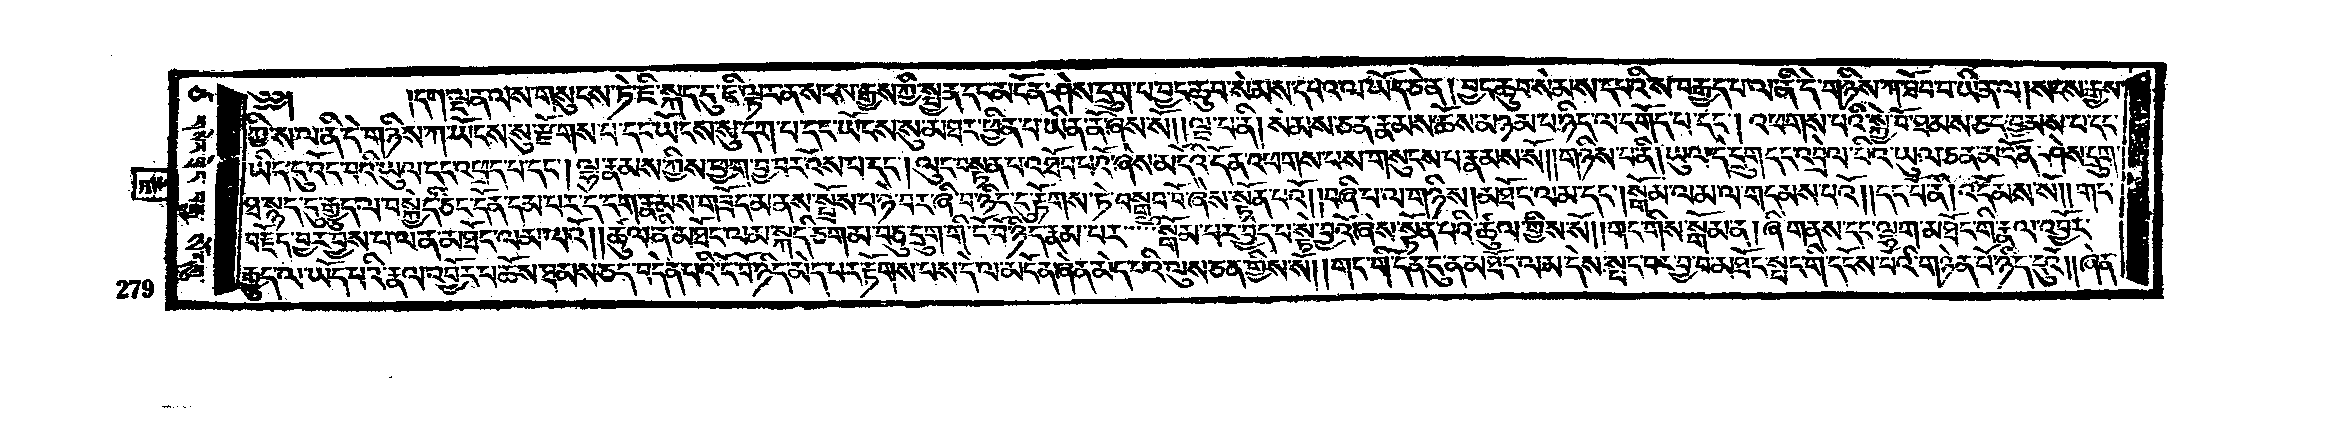༄༅། །དག་ལྡན་ལས་གསུངས་ཏེ་ཇི་སྐད་དུ་ཇི་ལྟར་ན་སངས་རྒྱས་ཀྱི་སྤྱན་དང་མངོན་ཤེས་དྲུག་པ་བྱང་ཆུབ་སེམས་དཔའ་ལ་ཡོད་ཅེ་ན། བྱང་ཆུབ་སེམས་དཔའི་ས་བརྒྱད་པ་ལ་ནི་དེ་གཉིས་ཀ་ཐོབ་པ་ཡིན་ལ། སངས་རྒྱས་
ཀྱི་ས་ལ་ནི་དེ་གཉིས་ཀ་ཡོངས་སུ་རྫོགས་པ་དང་ཡོངས་སུ་དག་པ་དང་ཡོངས་སུ་མཐར་ཕྱིན་པ་ཡིན་ནོ་ཞེས་སོ། །ལྔ་པ་ནི། སེམས་ཅན་རྣམས་ཆོས་མཉམ་པ་ཉིད་ལ་དགོད་པ་དང་། འཕགས་པའི་སྐྱེ་བོ་ཐམས་ཅད་བྱམས་པ་དང་
ཡིད་དུ་འོང་བའི་ཡུལ་དང་འཕྲད་པ་དང་། ལྷ་རྣམས་ཀྱིས་ཕྱག་བྱ་བར་འོས་པ་དང་། ལུང་བསྟན་པ་འཐོབ་པའོ་ཞེས་མདོའི་དོན་འཕགས་པས་གསུངས་པ་རྣམས་སོ། །གཉིས་པ་ནི། ཡུལ་དེ་དྲུག་དང་འབྲེལ་པའི་ཡུལ་ཅན་མངོན་ཤེས་དྲུག་
ཐ་སྙད་དུ་རྒྱུད་ལ་བསྐྱེད་ཅིང་དོན་དམ་པར་དེ་དག་རྣམས་གཟོད་མ་ནས་སྤྲོས་པ་ཉེ་བར་ཞི་བ་ཉིད་དུ་རྟོགས་ཏེ་བསྒྲུབ་བོ་ཞེས་སྟོན་པའོ། །བཞི་པ་ལ་གཉིས། མཐོང་ལམ་དང་། སྒོམ་ལམ་ལ་གདམས་པའོ། །དང་པོ་ནི། འདོམས་སོ། །གང་
བརྗོད་བྱར་བྱས་པ་ལ་ན་མཐོང་ལམ་ལའོ། །ཚུལ་ནི་མཐོང་ལམ་སྐད་ཅིག་མ་བཅུ་དྲུག་གི་ངོ་བོ་ཉིད་རྣམ་པར་སྒོམ་པར་བྱེད་པ་སྟེ་བྱའོ་ཞེས་སྟོན་པའི་ཚུལ་གྱིས་སོ། །གང་གིས་སྒོམ་ན། ཞི་གནས་དང་ལྷག་མཐོང་གི་རྣལ་འབྱོར་
རྒྱུད་ལ་ཡོད་པའི་རྣལ་འབྱོར་པ་ཆོས་ཐམས་ཅད་བདེན་པའི་ངོ་བོ་ཉིད་མེད་པར་རྟོགས་པས་དེ་ལ་མངོན་ཞེན་མེད་པའི་ལུས་ཅན་གྱིས་སོ། །གང་གི་དོན་དུ་ན་མཐོང་ལམ་དེས་སྤང་བར་བྱ་བ་མཐོང་སྤང་གི་དངོས་པོའི་གཉེན་པོ་ཉིད་དུའོ། །ཞེན་